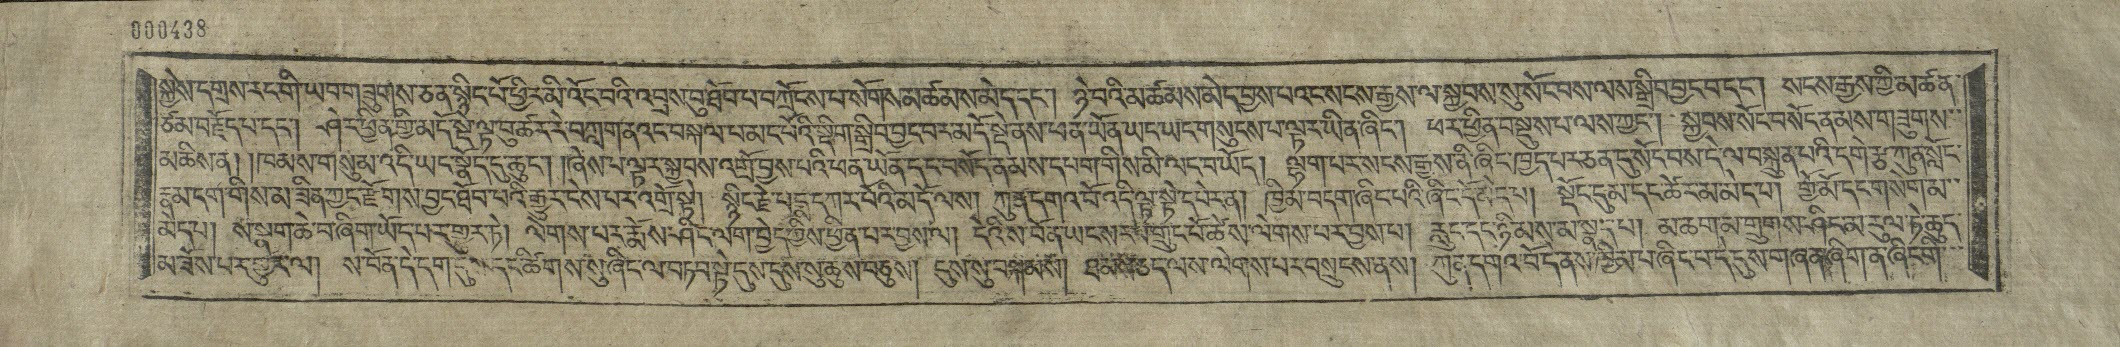སྐྱེས་དགྲས་རང་གི་ཡབ་གཟུགས་ཅན་སྙིང་པོ་ཕྱིར་མི་འོང་བའི་འབྲས་བུ་ཐོབ་པ་བཀྲོངས་པ་སོགས་མཚམས་མེད་དང་། ཉེ་བའི་མཚམས་མེད་བྱས་པའང་སངས་རྒྱས་ལ་སྐྱབས་སུ་སོང་བས་ལས་སྒྲིབ་བྱང་བ་དང་། སངས་རྒྱས་ཀྱི་མཚན་
ཙམ་བརྗོད་པ་དང་། ཤེར་ཕྱིན་གྱི་མདོ་སྡེ་ལྟ་བུ་ཚར་རེ་བཀླག་ནའང་བསྐལ་པ་མང་པོའི་སྡིག་སྒྲིབ་བྱང་བར་མདོ་སྡེ་ནས་ཕན་ཡོན་ཡང་ཡང་གསུངས་པ་ལྟར་ཡིན་ཞིང་། ཕར་ཕྱིན་བསྡུས་པ་ལས་ཀྱང་། སྐྱབས་སོང་བསོད་ནམས་གཟུགས་
མཆིས་ན། །ཁམས་གསུམ་འདི་ཡང་སྣོད་དུ་ཆུང་། །ཞེས་པ་ལྟར་སྐྱབས་འགྲོ་བྱས་པའི་ཕན་ཡོན་དང་བསོད་ནམས་དཔག་གིས་མི་ལང་བ་ཡོད། ལྷག་པར་སངས་རྒྱས་ནི་ཞིང་ཁྱད་པར་ཅན་དུ་སོང་བས་དེ་ལ་བསྐྲུན་པའི་དགེ་རྩ་ཀུན་སློང་
རྣམ་དག་གིས་མ་ཟིན་ཀྱང་རྫོགས་བྱང་ཐོབ་པའི་རྒྱུར་ངེས་པར་འགྲོ་སྟེ། སྙིང་རྗེ་པད་མ་དཀར་པོའི་མདོ་ལས། ཀུན་དགའ་བོ་འདི་ལྟ་སྟེ་དཔེར་ན། ཁྱིམ་བདག་ཞིང་པའི་ཞིང་དོ་མེད་པ། སྡོང་དུམ་དང་ཚེར་མ་མེད་པ། གྱོ་མོ་དང་གསེག་མ་
མེད་པ། ས་སྣག་ཆེ་བ་ཞིག་ཡོད་པར་གྱུར་ཏེ། ལེགས་པར་རྨོས་ཤིང་ལག་བྱེད་ཀྱིས་ཕྱིན་པར་བྱས་ལ། དེའི་ས་བོན་ཡང་སར་པ་གྲུང་པོ་ཚེས་ལེགས་པར་བྱས་པ། རླུང་དང་ཉི་མས་མ་སྣད་པ། མ་ཆག་མ་གྲུགས་ཤིང་མ་རུལ་ཏེ་ཆུད་
མ་ཟོས་པར་གྱུར་ལ། ས་བོན་དེ་དག་དུས་དང་ཚིགས་སུ་ཞིང་ལ་བཏབ་སྟེ་དུས་དུས་སུ་ཆུས་བཅུས། དུས་སུ་བསྐམས། ཐམས་ཅད་ལས་ལེགས་པར་བསྲུངས་ནས། ཀུན་དགའ་བོ་དེ་ནས་ཁྱིམ་པ་ཞིང་པ་དེ་དུས་གཞན་ཞིག་ན་ཞིང་གི་